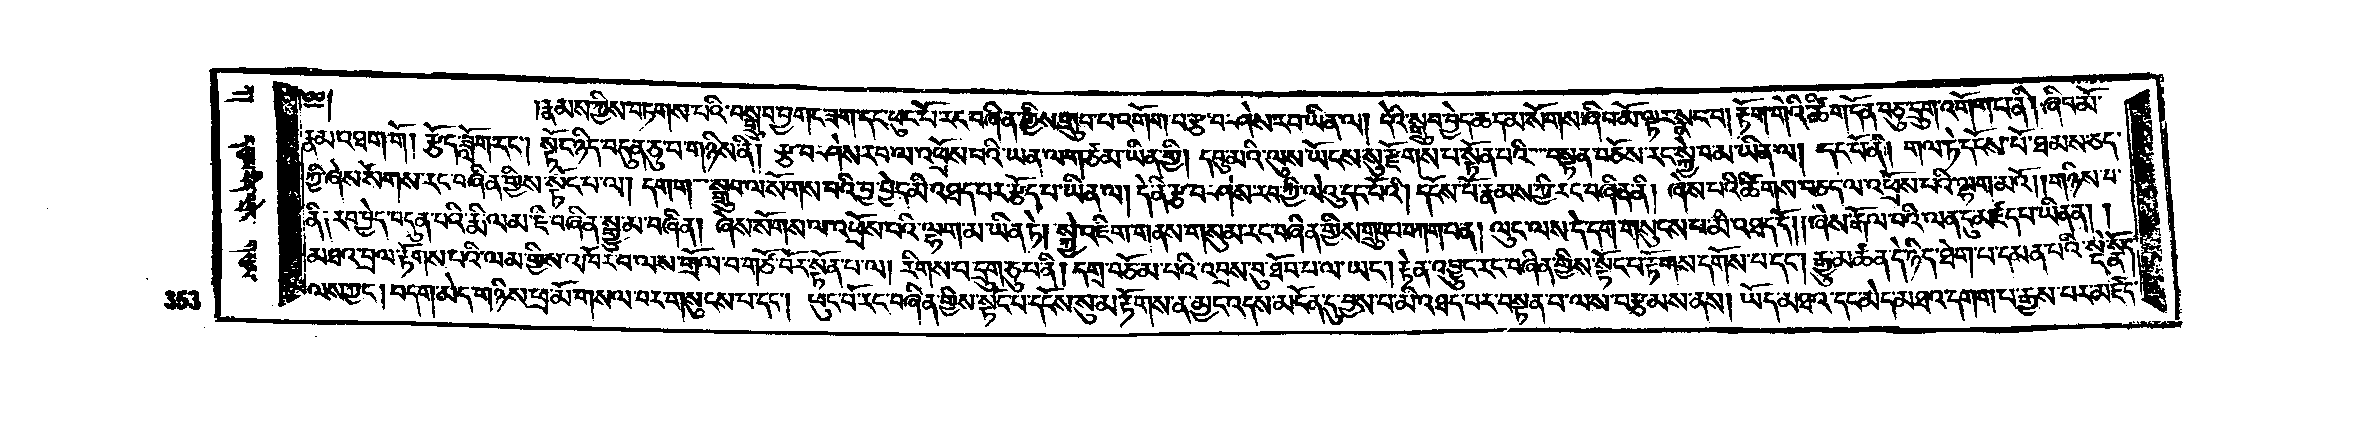༄༅། །རྣམས་ཀྱིས་བཏགས་པའི་བསྒྲུབ་བྱ་གང་ཟག་དང་ཕུང་པོ་རང་བཞིན་གྱིས་གྲུབ་པ་འགོག་པ་རྩ་བ་ཤེས་རབ་ཡིན་ལ། དེའི་སྒྲུབ་བྱེད་ཚད་མ་སོགས་ཞིབ་མོ་ལྟར་སྣང་བ། རྟོག་གེའི་ཚིག་དོན་བཅུ་དྲུག་འགོག་པ་ནི། ཞིབ་མོ་
རྣམ་འཐག་གོ །རྩོད་ཟློག་དང་། སྟོང་ཉིད་བདུན་ཅུ་པ་གཉིས་ནི། རྩ་བ་ཤེས་རབ་ལ་འཕྲོས་པའི་ཡན་ལག་ཙམ་ཡིན་གྱི། དབུ་མའི་ལུས་ཡོངས་སུ་རྫོགས་པ་སྟོན་པའི་བསྟན་བཅོས་རང་སྐྱེ་བ་མ་ཡིན་ལ། དང་པོ་ནི། གལ་ཏེ་དངོས་པོ་ཐམས་ཅད་
ཀྱི་ཞེས་སོགས་རང་བཞིན་གྱིས་སྟོང་པ་ལ། དགག་སྒྲུབ་ལ་སོགས་པའི་བྱ་བྱེད་མི་འཐད་པར་རྩོད་པ་ཡིན་ལ། དེ་ནི་རྩ་བ་ཤེས་རབ་ཀྱི་ལེའུ་དང་པོའི། དངོས་པོ་རྣམས་ཀྱི་རང་བཞིན་ནི། ཞེས་པའི་ཚིགས་བཅད་ལ་འཕྲོས་པའི་ལྷག་མའོ། །གཉིས་པ་
ནི། རབ་བྱེད་བདུན་པའི་རྨི་ལམ་ཇི་བཞིན་སྒྱུ་མ་བཞིན། ཞེས་སོགས་ལ་འཕྲོས་པའི་ལྷག་མ་ཡིན་ཏེ། སྐྱེ་འཇིག་གནས་གསུམ་རང་བཞིན་གྱིས་གྲུབ་པ་བཀག་པ་ན། ལུང་ལས་དེ་དག་གསུངས་པ་མི་འཐད་དོ། །ཞེས་རྒོལ་བའི་ལན་དུ་མཛད་པ་ཡིན་ན། །
མཐའ་བྲལ་རྟོགས་པའི་ལམ་གྱིས་འཁོར་བ་ལས་གྲོལ་བ་གཙོ་བོར་སྟོན་པ་ལ། རིགས་པ་དྲུག་ཅུ་པ་ནི། དགྲ་བཅོམ་པའི་འབྲས་བུ་ཐོབ་པ་ལ་ཡང་། རྟེན་འབྱུང་རང་བཞིན་གྱིས་སྟོང་པ་རྟོགས་དགོས་པ་དང་། རྒྱུ་མཚན་དེ་ཉིད་ཐེག་པ་དམན་པའི་སྡེ་སྣོད་
ལས་ཀྱང་། བདག་མེད་གཉིས་ཕྲ་མོ་གསལ་བར་གསུངས་པ་དང་། ཕུང་པོ་རང་བཞིན་གྱིས་སྟོང་པ་དངོས་སུ་མ་རྟོགས་ནས་མྱང་འདས་མངོན་དུ་བྱས་པ་མི་འཐད་པར་བསྟན་པ་ལས་བརྩམས་ནས། ཡོད་མཐའ་དང་མེད་མཐའ་དགག་པ་རྒྱས་པར་མཛད་